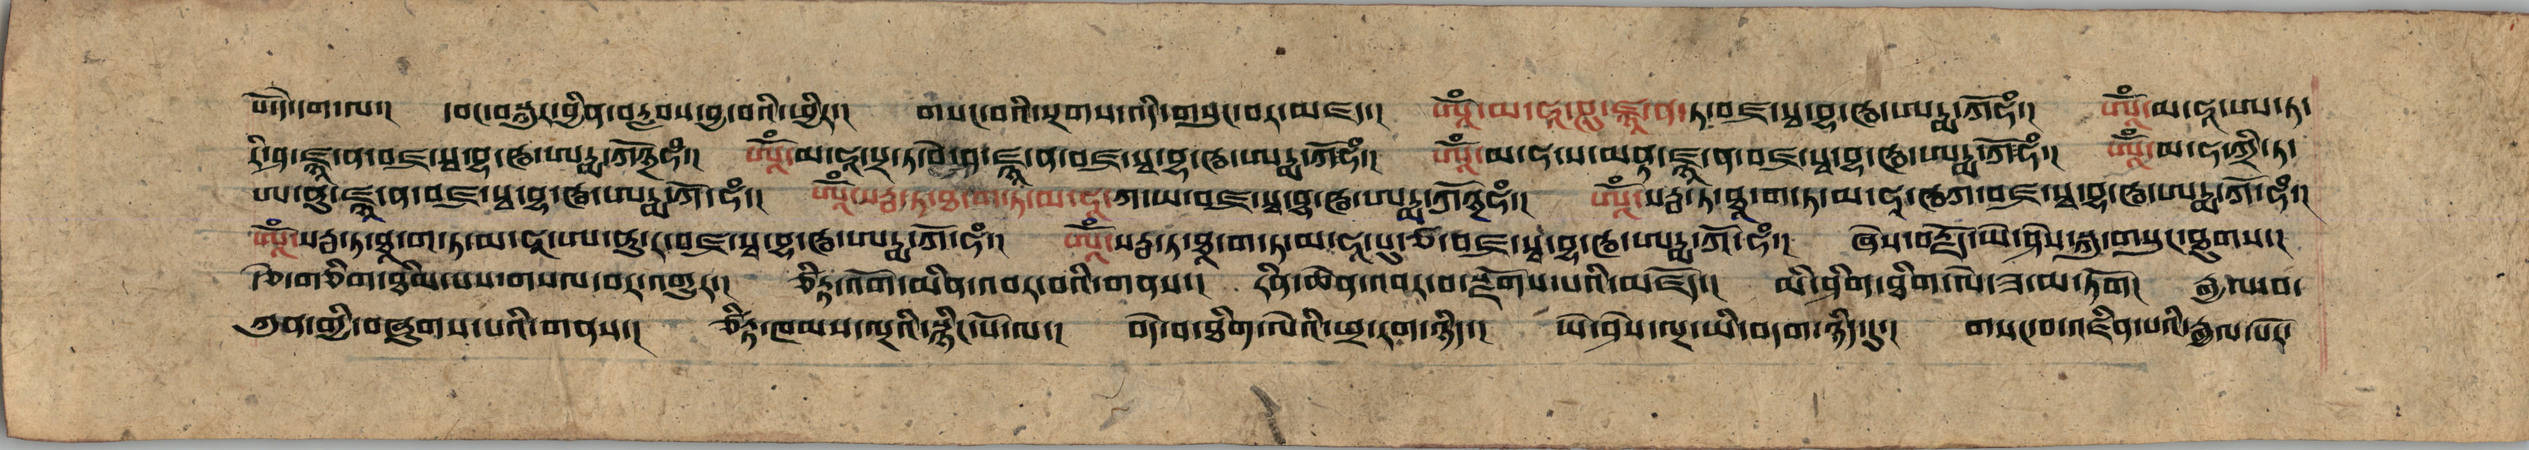པོ་དེ་དག་ལ་། དབང་བསྐུར་བྱིན་བརླབས་བྱ་བའི་ཕྱིར་། གསང་བའི་སྔགས་འདི་གསུང་བར་མཛད་། ཨཱོཾ་མ་ཧཱ་ཤུ་ཛྙཱ་ན་ཏ་བཛྲ་སྭ་བྷ་ཝ་ཨ་ཏྨཀོཧཾ་། ཨཱོཾ་མ་ཧཱ་ཨ་ཏ་
རི་ཤ་ཛྙཱ་ན་བཛྲ་སྭ་བྷ་ཝ་ཨཏྨ་ཀོ྅ཧཾ་། ཨཱོཾ་མ་ཧཱ་སྲ་ཏ་བེ་ཤ་ཛྙཱ་ན་བཛྲ་སྭ་བྷ་ཝ་ཨདྨ་ཀོཧཾ་། ཨཱོཾ་མ་ཧ་ས་མནྟ་ཛྙཱ་ན་བཛྲ་སྭ་བྷ་ཝ་ཨདྨ་ཀོཧཾ་། ཨཱོཾ་མ་ཧ་ཀྲི་ཏ་
ཨ་ནུ་ཛྙཱ་ན་བཛྲ་སྭ་བྷ་ཝ་ཨཏྨ་ཀོ་ཧཾ་། ཨཱོཾ་སརྦ་ཏ་ཐ་ག་ཏ་མ་ཧཱ་ཀ་ཡ་བཛྲ་སྭ་བྷ་ཝ་ཨཏྨཀོ྅ཧཾ་། ཨཱོཾ་སརྦ་ཏ་ཐཱ་ག་ཏ་མ་ཧཱ་ཝཀ་བཛྲ་སྭ་བྷ་ཝ་ཨཏྨ་ཀོ་ཧཾ་།
ཨཱོཾ་སརྦ་ཏ་ཐཱ་ག་ཏ་མ་ཧཱ་ཨ་ནུ་ར་བཛྲ་སྭ་བྷ་ཝ་ཨཏྨ་ཀོ་ཧཾ་། ཨཱོཾ་སརྦ་ཏ་ཐཱ་ག་ཏ་མ་ཧཱ་པུ་ཙ་བཛྲ་སྭ་བྷ་ཝ་ཨཏྨ་ཀོ་ཧཾ་། ཞེས་བརྗོད་ཡེ་ཤེས་སྐུ་གསུང་ཐུགས་།
རྩེ་གཅིག་ཐིམ་པས་གསལ་བར་འགྱུར་། ཙིཏྟ་འོག་མིན་འབར་བའི་གནས་། རིན་ཆེན་འབར་བ་སྫོགས་པའི་མཛོད་། མི་ཤིག་ཐིག་ལེ་ཟ་མ་ཏོག། རྒྱལ་བ་
ཀུན་གྱི་བཞུགས་པའི་གནས་། ཙིཏྟ་ཁམས་ལྔའི་སྙིང་པོ་ལ་། བདེ་བ་ཐིག་ལེའི་ཕྲ་རག་ཉིད་། ཡེ་ཤེས་ལྔ་ཡི་བདག་ཉིད་དུ་། གསང་བ་འཛིན་པའི་རྒྱལ་པོར་